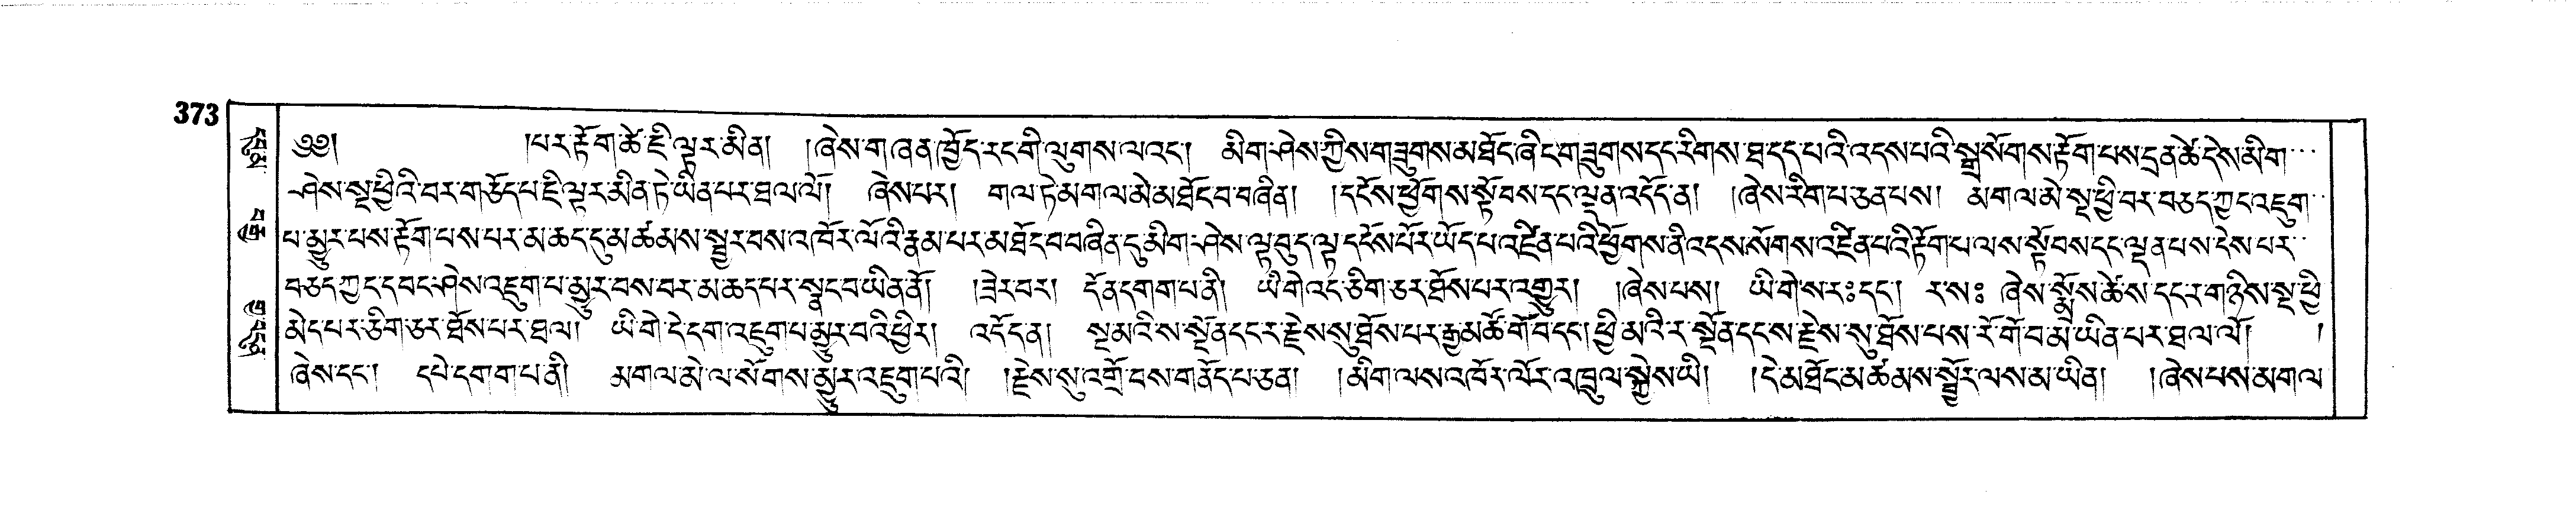༄༅། །པར་རྟོག་ཚེ་ཇི་ལྟར་མིན། །ཞེས་གཞན་ཁྱོད་རང་གི་ལུགས་ལའང་། མིག་ཤེས་ཀྱིས་གཟུགས་མཐོང་ཞིང་གཟུགས་དང་རིགས་ཐ་དད་པའི་འདས་པའི་སྒྲ་སོགས་རྟོག་པས་དྲན་ཚེ་དེས་མིག་
ཤེས་སྔ་ཕྱིའི་བར་གཅོད་པ་ཇི་ལྟར་མིན་ཏེ་ཡིན་པར་ཐལ་ལོ། ཞེས་པར། གལ་ཏེ་མགལ་མེ་མཐོང་བ་བཞིན། །དངོས་ཕྱོགས་སྟོབས་དང་ལྡན་འདོད་ན། །ཞེས་རིག་པ་ཅན་པས། མགལ་མེ་སྔ་ཕྱི་བར་བཅད་ཀྱང་འཇུག་
པ་མྱུར་པས་རྟོག་པས་པར་མ་ཆད་དུ་མཚམས་སྦྱར་བས་འཁོར་ལོའི་རྣམ་པར་མཐོང་བ་བཞིན་དུ་མིག་ཤེས་ལྟ་བུ་ད་ལྟ་དངོས་པོར་ཡོད་པ་འཛིན་པའི་ཕྱོགས་ནི་འདས་སོགས་འཛིན་པའི་རྟོག་པ་ལས་སྟོབས་དང་ལྡན་པས་ངེས་པར་
བཅད་ཀྱང་དབང་ཤེས་འཇུག་པ་མྱུར་བས་བར་མ་ཆད་པར་སྣང་བ་ཡིན་ནོ། །ཟེར་བར། དོན་དགག་པ་ནི། ཡི་གེའང་ཅིག་ཅར་ཐོས་པར་འགྱུར། །ཞེས་པས། ཡི་གེ་སརཿ དང་། ར་སཿ ཞེས་སྨྲོས་ཚེ་ས་དང་ར་གཉིས་སྔ་ཕྱི་
མེད་པར་ཅིག་ཅར་ཐོས་པར་ཐལ། ཡི་གེ་དེ་དག་འཇུག་པ་མྱུར་བའི་ཕྱིར། འདོད་ན། སྔ་མའི་ས་སྔོན་དང་ར་རྗེས་སུ་ཐོས་པར་རྒྱ་མཚོ་གོ་བ་དང་། ཕྱི་མའི་ར་སྔོན་དང་ས་རྗེས་སུ་ཐོས་པས་རོ་གོ་བ་མེ་ཡིན་པར་ཐལ་ལོ། །
ཞེས་དང་། དཔེ་དགག་པ་ནི། མགལ་མེ་ལ་སོགས་མྱུར་འཇུག་པའི། །རྗེས་སུ་འགྲོ་བས་གནོད་པ་ཅན། །མིག་ལས་འཁོར་ལོར་འཁྲུལ་སྐྱེས་ཡི། །དེ་མཐོང་མཚམས་སྦྱོར་ལས་མ་ཡིན། །ཞེས་པས་མགལ་